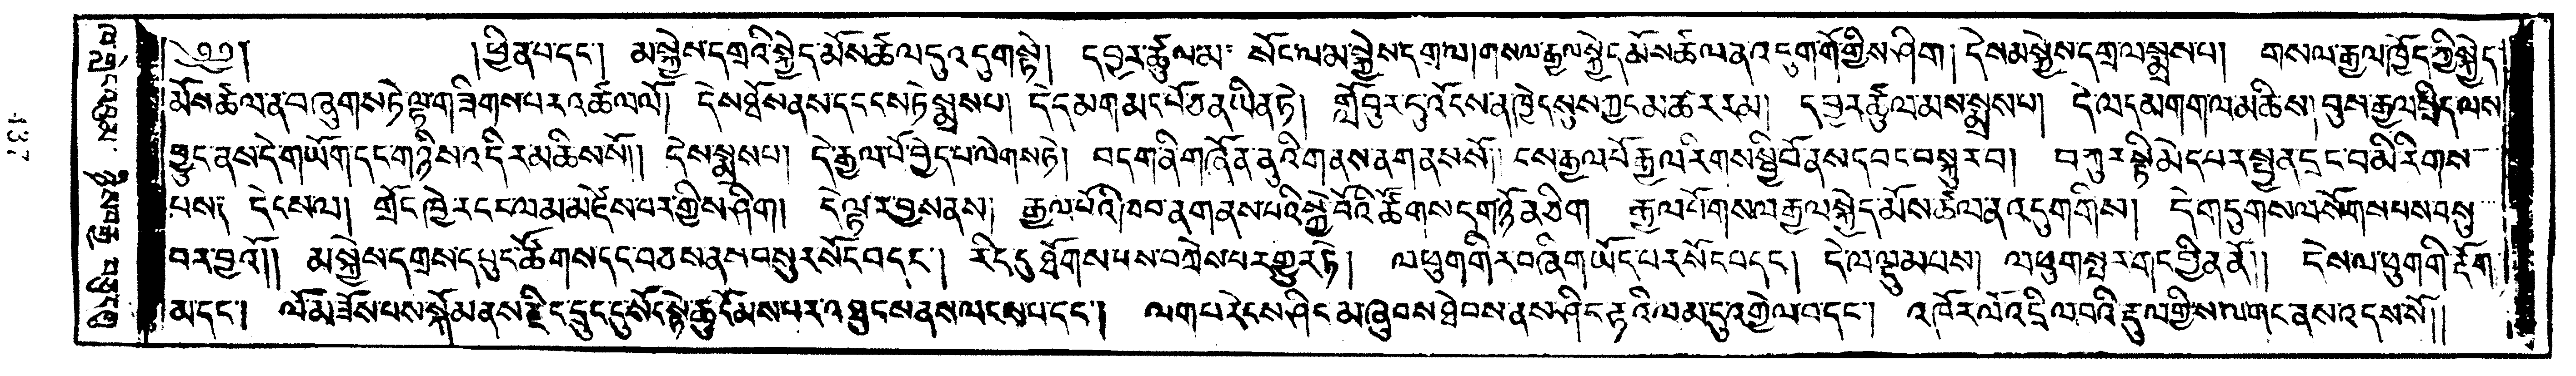༄༅། །ཕྱིན་པ་དང་། མ་སྐྱེས་དགྲའི་སྐྱེད་མོས་ཚལ་དུ་འདུག་སྟེ། དབྱར་ཚུལ་མ་སོང་ལ་མ་སྐྱེས་དགྲ་ལ། གསལ་རྒྱལ་སྐྱེད་མོས་ཚལ་ན་འདུག་གོ་གྱིས་ཤིག། དེས་མ་སྐྱེས་དགྲ་ལ་སྨྲས་པ། གསལ་རྒྱལ་ཁྱོད་ཀྱི་སྐྱེད་
མོས་ཚལ་ན་བཞུགས་ཏེ་ལྷ་གཟིགས་པར་འཚལ་ལོ། དེས་ཐོས་ནས་དངགས་ཏེ་སྨྲས་པ། དེ་དམག་མང་པོ་ཅན་ཡིན་ཏེ། གློ་བུར་དུ་འོངས་ན་ཁྱེད་སུས་ཀྱང་མཚར་རམ། དབྱར་ཚུལ་མས་སྨྲས་པ། དེ་ལ་དམག་ག་ལ་མཆིས། བུས་རྒྱལ་སྲིད་ལས་
ཕྱུང་ནས་དེ་གཡོག་དང་གཉིས་འདིར་མཆིས་སོ།། དེས་སྨྲས་པ། དེ་རྒྱལ་པོ་བྱེད་པ་ལེགས་ཏེ། བདག་ནི་གཞོན་ནུའི་གནས་ན་གནས་སོ།། ངས་རྒྱལ་པོ་རྒྱལ་རིགས་སྦྱི་བོ་ནས་དབང་བསྐུར་བ། བཀུར་སྟི་མེད་པར་སྦྱན་དྲང་བ་མི་རིགས་
པས༑ དེངས་ལ། གྲོང་ཁྱེ་རང་ང་ལམ་མཛེས་པར་གྱིས་ཤིག། དེ་ལྟར་བྱས་ནས། རྒྱལ་པོའི་ཁབ་ན་གནས་པའི་སྐྱེ་བོའི་ཚོགས་དག་ཉོན་ཅིག །རྒྱལ་པོ་གསལ་རྒྱལ་སྐྱེད་མོས་ཚལ་ན་འདུག་གིས། དེ་གདུགས་ལ་སོགས་པས་བསྐུ་
པར་བྱའོ།། མ་སྐྱེས་དགྲས་དཔུང་ཚོགས་དང་བཅས་ནས་བསུར་སོང་བ་དང་། རིང་དུ་ཐོགས་པས་བཀྲེས་པར་གྱུར་ཏེ། ལ་ཕུག་གིར་བཞིག་ཡོད་པར་སོང་བ་དང་། དེ་ལ་ལྡུམ་པས། ལ་ཕུག་སྤར་གང་བྱིན་ནོ།། དེས་ལ་ཕུག་གི་རྡོག་
མ་དང་། ལོ་མ་ཟོས་པས་སྐོམ་ནས་རྫིང་དྲུང་དུ་སོང་སྟེ་ཆུ་ངོམས་པར་འཐུངས་ནས་ལངས་པ་དང་། ལག་པ་རེངས་ཤིང་མ་ཞུབས་ཐེབས་ནས་ཤིང་རྟའི་ལམ་དུ་འགྱེལ་བ་དང་། འཁོར་ལོ་འདྲིལ་བའི་རྡུལ་གྱིས་ལ་གང་ནས་འདས་སོ།།